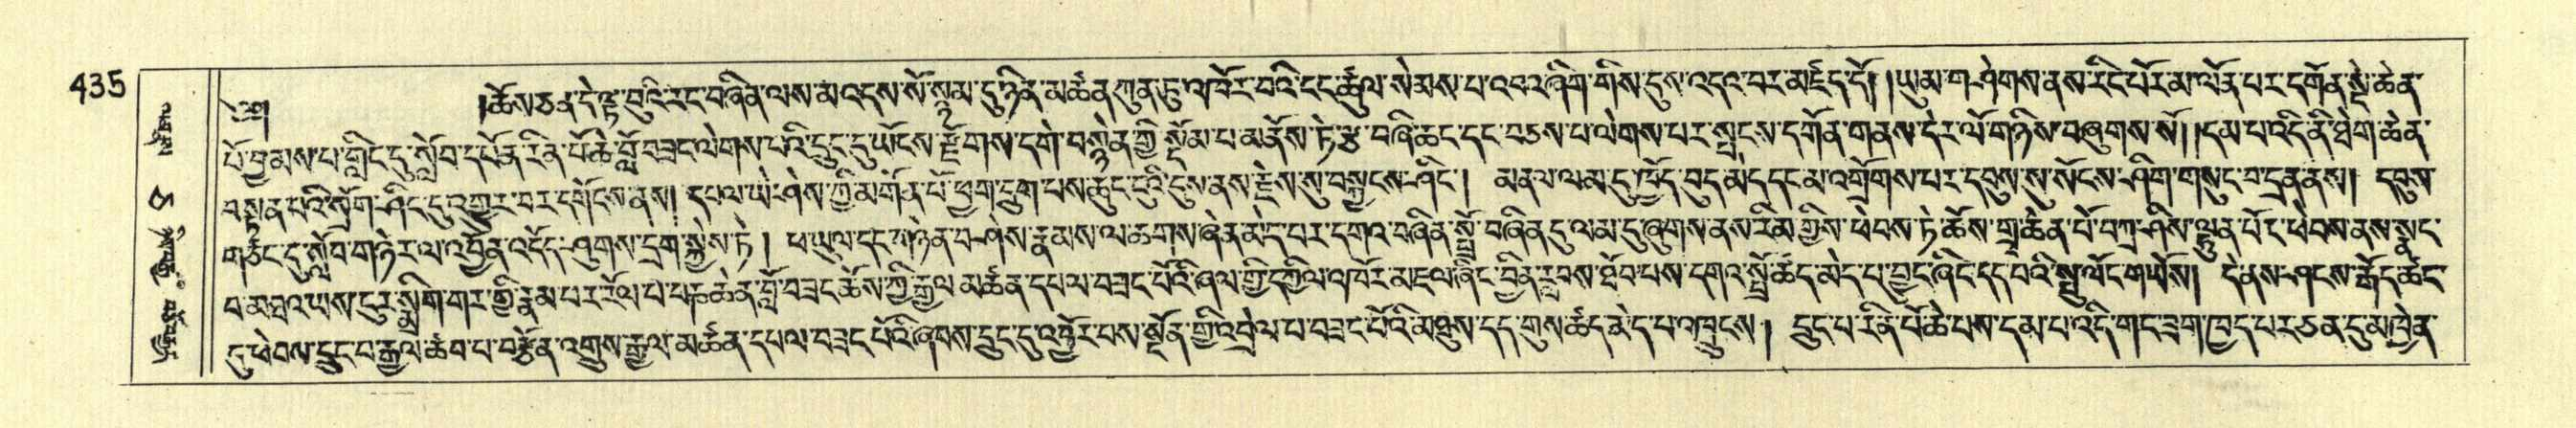༄༅། །ཆོས་ཅན་དེ་ལྟ་བུའི་རང་བཞིན་ལས་མ་འདས་སོ་སྙམ་དུ་ཉིན་མཚན་ཀུན་ཏུ་འཁོར་བའི་ངང་ཚུལ་སེམས་པ་འབའ་ཞིག་གིས་དུས་འདའ་བར་མཛད་དོ། །ཡུམ་གཤེགས་ནས་རིང་པོར་མ་ལོན་པར་དགོན་སྡེ་ཆེན་
པོ་བྱམས་པ་གླིང་དུ་སློབ་དཔོན་རིན་པོ་ཆེ་བློ་བཟང་ལེགས་པའི་དྲུང་དུ་ཡོངས་རྫོགས་དགེ་བསྙེན་གྱི་སྡོམ་པ་མནོས་ཏེ་རྩ་བཞི་ཆང་དང་བཅས་པ་ལེགས་པར་སྤངས་དགོན་གནས་དེར་ལོ་གཉིས་བཞུགས་སོ། །དམ་པ་འདི་ནི་ཐེག་ཆེན་
བསྟན་པའི་སྲོག་ཤིང་དུ་འགྱུར་བར་དགོངས་ནས། དཔལ་ཡེ་ཤེས་ཀྱི་མགོན་པོ་ཕྱག་དྲུག་པས་ཆུང་ངུའི་དུས་ན་རྗེས་སུ་བསྐྱངས་ཤིང་། མནལ་ལམ་དུ་ཁྱོད་བུད་མེད་དང་མ་འགྲོགས་པར་དབུས་སུ་སོངས་ཤིག་གསུང་བ་དྲན་ནས། དབུས་
གཙང་དུ་སློབ་གཉེར་ལ་འབྱོན་འདོད་ཤུགས་དྲག་སྐྱེས་ཏེ། ཕ་ཡུལ་དང་གཉེན་བཤེས་རྣམས་ལ་ཆགས་ཞེན་མེད་པར་དགའ་བཞིན་སྤྲོ་བཞིན་དུ་ལམ་དུ་ཞུགས་ནས་རིམ་གྱིས་ཕེབས་ཏེ་ཆོས་གྲྭ་ཆེན་པོ་བཀྲ་ཤིས་ལྷུན་པོང་ཕེབས་ནས་སྣང་
བ་མཐའ་ཡས་ངུར་སྨྲིག་གར་གྱི་རྣམ་པར་རོལ་པ་པཎ་ཆེན་བློ་བཟང་ཆོས་ཀྱི་རྒྱལ་མཚན་དཔལ་བཟང་པོའི་ཞལ་གྱི་དཀྱིལ་འཁོར་མཇལ་ཞིང་བྱིན་རླབས་ཐོབ་པས་དགའ་སྤྲོ་ཚད་མེད་པ་བྱུང་ཞིང་དད་པའི་སྤུ་ལོང་གཡོས། དེ་ནས་ཤངས་རྒོད་ཚང་
དུ་ཕེབས་དྲུང་བ་རྒྱལ་ཚབ་པ་བརྩོན་འགྲུས་རྒྱལ་མཚན་དཔལ་བཟང་པོའི་ཞབས་དྲུང་དུ་འབྱོར་པས་སྔོན་གྱི་འབྲེལ་པ་བཟང་པོའི་མཐུས་དང་གུས་ཚད་མེད་པ་འཁྲུངས། དྲུང་པ་རིན་པོ་ཆེ་པས་དམ་པ་འདི་གང་ཟག་ཁྱད་པར་ཅན་དུ་མཁྱེན་